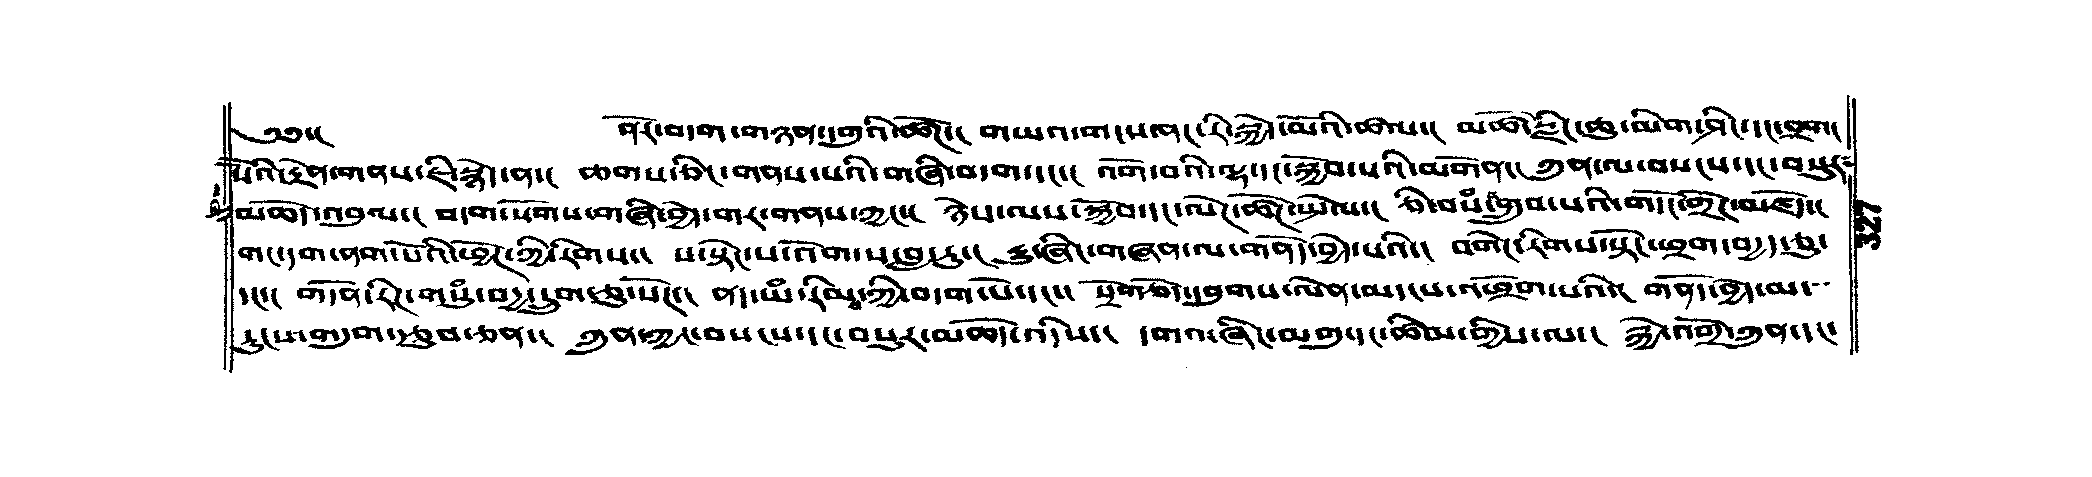ནོར་བདག་གཉན་གུའི་རིགས། །གཡའ་སྒང་ནགས་རིགས་སྐྱེད་མོའི་ཚལ། །མཚོ་རྫིང་ཆུ་མིག་ཤྀང་དང་བྲག་།
སོ་སོའི་རྟེན་གནས་ཇི་སྙེད་ན། །ཆགས་ཤིང་གནས་པའི་གཞི་བདག་དང་། །འགོ་བའི་ལྷ་དང་སྐྱོབ་པའི་མགོན། །ཀུན་ལ་བསངས་དང་བསུར་
མཆོད་འབུལ། །བདག་སོགས་གཞི་བྱེད་གར་གནས་ཀྱང་། །ཉེས་ལས་སྐྱོབ་དང་ལེགས་ཚོགས་སྤེལ། །ཅི་བསམ་གྲུབ་པའི་གདོང་གྲོགས་མཛོད། །
གང་དག་ནག་པོའི་ཕྱོགས་ཀྱི་རིགས། །ས་སྟེང་ས་འོག་ས་བླ་རུ། །རྒྱུ་ཞིང་གཞན་ལ་གནོད་བྱེད་པའི། །བགེགས་རིགས་སྟོང་ཕྲག་བརྒྱད་ཅུ་
དང་། །གདོན་རིགས་གསུམ་བརྒྱ་དྲུག་ཅུ་སོགས། །ནད་ཡམས་རིམས་ཀྱི་བདག་པོ་དང་། །སྲོག་གཅོད་དབུགས་ལེན་མདངས་འཕྲོག་པའི། །གནོད་བྱེད་མ་
རུངས་གདུག་རྩུབ་ཀུན། །ཀུན་ཀྱང་བསངས་དང་བསུར་མཆོད་འདིས། །དགའ་ཞིང་མགུ་དང་ཚིམ་གྱིས་ལ། །སྐྱེ་འགྲོ་ཀུན་དང་